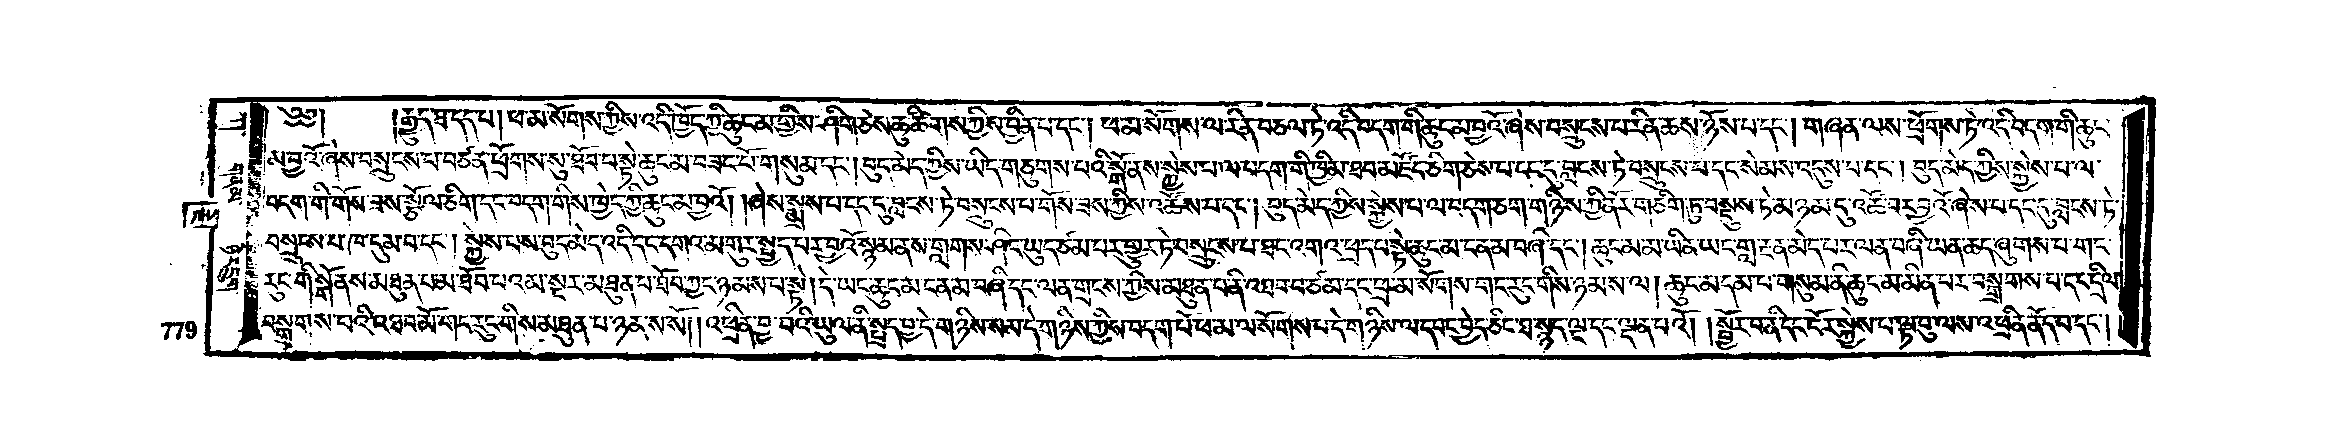༄༅། །རྒྱུད་ཐ་དད་པ། ཕ་མ་སོགས་ཀྱིས་འདི་ཁྱོད་ཀྱི་ཆུང་མ་གྱིས་ཤིག་ཅེས་ཆུ་ཚིགས་ཀྱིས་བྱིན་པ་དང་། ཕ་མ་སོགས་ལ་རིན་བཅལ་ཏེ་འདི་བདག་གི་ཆུང་མ་བྱའོ་ཞེས་བསྲུངས་པ་རིན་ཆས་ཉོས་པ་དང་། གཞན་ལས་ཕྲོགས་ཏེ་འདི་བདག་གི་ཆུང་
མ་བྱའོ་ཞེས་བསྲུངས་པ་བཙན་ཕྲོགས་སུ་ཐོབ་པ་སྟེ་ཆུང་མ་བཟང་པོ་གསུམ་དང་། བུད་མེད་ཀྱིས་ཡིད་གཅུགས་པའི་སྒོ་ནས་སྐྱེས་པ་ལ་བདག་གི་ཁྱིམ་ཐབ་མཛོད་ཅིག་ཅེས་པ་དང་དུ་བླངས་ཏེ་བསྲུངས་པ་དང་སེམས་འདུས་པ་དང་། བུད་མེད་ཀྱིས་སྐྱེས་པ་ལ་
བདག་གི་གོས་ཟས་སྩོལ་ཅིག་དང་བདག་གིས་ཁྱེད་ཀྱི་ཆུང་མ་བྱའོ། །ཞེས་སྨྲས་པ་དང་དུ་བླངས་ཏེ་བསྲུངས་པ་གོས་ཟས་ཀྱིས་འཚོས་པ་དང་། བུད་མེད་ཀྱིས་སྐྱེས་པ་ལ་བདག་ཅག་གཉིས་ཀྱི་ནོར་གཅིག་ཏུ་བསྡུས་ཏེ་མཉམ་དུ་འཚོ་བར་བྱའོ་ཞེས་པ་དང་དུ་བླངས་ཏེ་
བསྲུངས་པ་ཁ་དུམ་པ་དང་། སྐྱེས་པས་བུད་མེད་འདི་དང་དགའ་མགུར་སྤྱད་པར་བྱའོ་སྙམ་ནས་གླགས་ཤིང་ཡུད་ཙམ་པར་གྱུར་ཏེ་བསྲུངས་པ་ཐང་འགའ་ཕྲད་པ་སྟེ་ཆུང་མ་ངན་མ་བཞི་དང་། ཆུང་མ་མ་ཡིན་ཡང་གླ་རྔན་མེད་པར་ལན་བཞི་ཡན་ཆད་ཞུགས་པ་གང་
རུང་གི་སྒོ་ནས་མཐུན་པ་མ་ཐོབ་པའམ་སྔར་མཐུན་པ་ཐོབ་ཀྱང་ཉམས་པ་སྟེ། དེ་ཡང་ཆུང་མ་ངན་མ་བཞི་དང་ལན་གྲངས་ཀྱིས་མཐུན་པ་ནི་འཐབ་པ་ཙམ་དང་ཕྲ་མ་སོགས་གང་རུང་གིས་ཉམས་ལ། ཆུང་མ་དམ་པ་གསུམ་ནི་ཆུང་མ་མིན་པར་བསྒྲགས་པ་དང་དྲིལ་
བསྒྲགས་པའི་འཐབ་མོ་གང་རུང་གིས་མཐུན་པ་ཉན་ས་སོ། །འཕྲིན་བྱ་བའི་ཡུལ་ནི་སྤྲད་བྱ་དེ་གཉིས་སམ་དེ་གཉིས་ཀྱིས་བདག་པོ་ཕ་མ་ལ་སོགས་པ་དེ་གཉིས་ལ་དབང་བྱེད་ཅིང་ཐ་སྙད་ལྔ་དང་ལྡན་པའོ། །སྦྱོར་བ་ནི་དང་ངོར་སྐྱེས་པ་ལྟ་བུ་ལས་འཕྲིན་ནོད་པ་དང་།